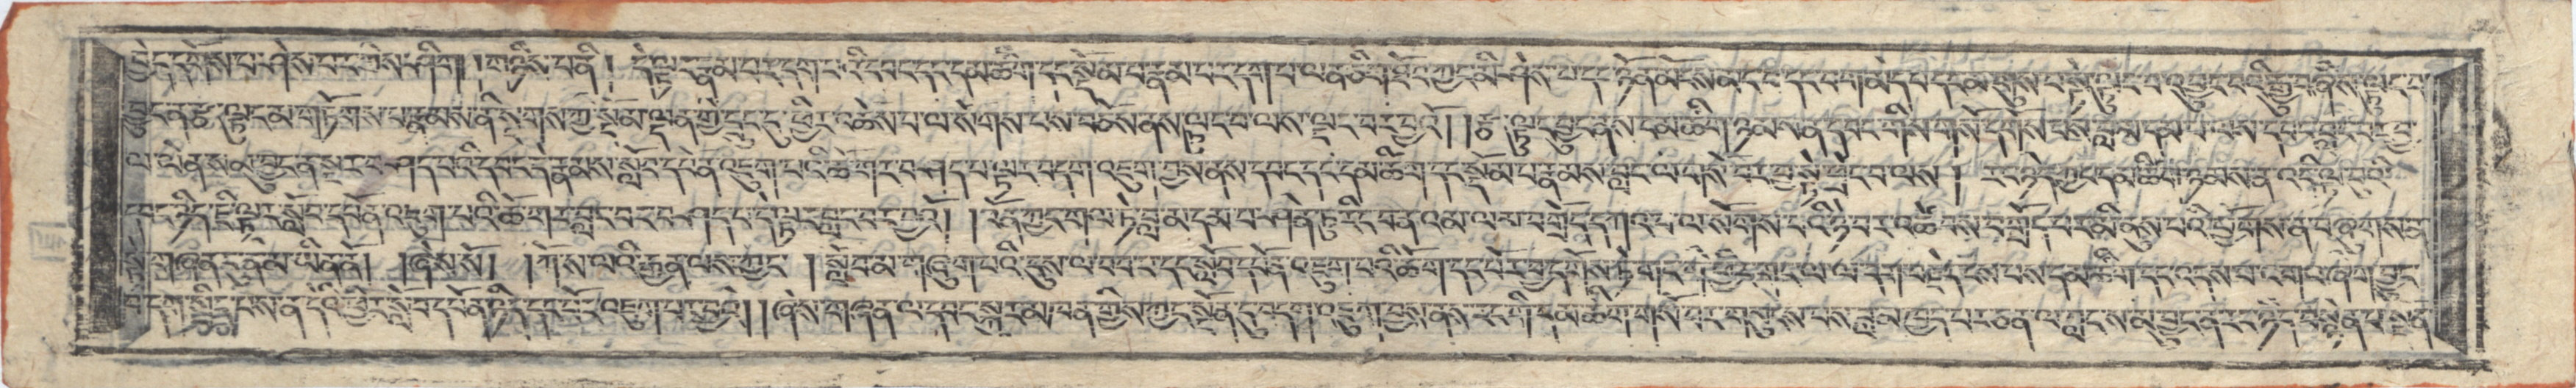བྱེད་དགོས་པ་ཤེས་པར་གྱིས་ཤིག །གཉིས་པ་ནི། དེ་ལྟར་རྣམ་པར་དག་པའི་དབང་དང་དམ་ཚིག་དང་སྡོམ་པ་རྣམ་པར་དག་པ་ལན་ཅིག་ཐོབ་ཀྱང་མི་ཤེས་པ་དང་ཉོན་མོངས་མང་བ་དང་བག་མེད་པ་དང་མ་གུས་པ་སྟེ་ལྟུང་བ་འབྱུང་བའི་རྒྱུ་བཞིས་ལྟུང་བ་
བྱུང་ན་རྩ་ལྟུང་མ་གཏོགས་པ་རྣམས་ནི་སྔགས་ཀྱི་སྡོམ་ལྡན་གྱི་དྲུང་དུ་ཕྱིར་འཆོས་པ་ལ་སོགས་པས་བཅོས་ནས་ལྟུང་བ་ལས་ལྡང་བར་བྱའོ། །རྩ་ལྟུང་བྱུང་ནས་དམ་ཚིག་ཉམས་ན་དབང་གིས་གསོ་དགོས་པས་བླ་མ་དམ་པ་ལས་དབང་བླང་བར་བྱ་
ལ་ལེན་སམ་བྱུང་ན་སྔར་བཤད་པའི་དབང་དེ་རྣམས་སློབ་དཔོན་འཇུག་པའི་ཆོ་གར་བཤད་པ་ལྟར་བདག་འཇུག་བྱས་ནས་དབང་དང་དམ་ཚིག་དང་སྡོམ་པ་རྣམས་བླང་ལ་གསོ་བར་བྱ་སྟེ་ཕྲེང་བ་ལས། རང་ཉིད་ཀྱང་དམ་ཚིག་ཉམས་ན་འདི་ལྟ་བུའི་
དབང་ཉིད་ཇི་ལྟར་སློབ་དཔོན་འཇུག་པའི་ཆོ་གར་བླང་བར་བཤད་པ་དེ་ལྟར་བླང་བར་བྱའོ། །འོན་ཀྱང་གལ་ཏེ་བླ་མ་དམ་པ་ཤིན་ཏུ་རིང་བ་ན་འམ་ལམ་བགྲོད་དཀའ་བ་ལ་སོགས་པའི་ཉེ་བར་འཚེ་བས་བགྲོད་པར་མི་ནུས་པའི་ཕྱོགས་ན་བཞུགས་ན་
སྟེ་གཞན་དུ་ནི་མ་ཡིན་ནོ། །ཞེས་སོ། །ཀོ་ས་ལའི་རྒྱན་ལས་ཀྱང་། སློབ་མ་གཞུག་པའི་དུས་ལ་བབ་པ་དང་སློབ་དཔོན་འཇུག་པའི་ཆོ་ག་དང་པོར་བྱ་དགོས་ཏེ་གང་གི་ཕྱིར་གང་ལ་ལ་དག་བརྗེད་ངས་པས་དམ་ཚིག་དང་འདས་པ་འགའ་ཞིག་བྱུང་
བ་དག་སྲིད་པས་ན་དེའི་ཕྱིར་སློབ་དཔོན་ཉིད་དང་པོར་འཇུག་པར་བྱའོ། །ཞེས་གཞན་ལ་དབང་སྐུར་མཁན་གྱིས་ཀྱང་སྔོན་དུ་བདག་འཇུག་བྱས་ནས་རང་གི་དམ་ཚིག་གསོ་བར་གསུངས་པས་བླ་མ་ཁྱད་པར་ཅན་ལ་བླང་ས་མ་བྱུང་ན་རང་ཉིད་བསྙེན་པ་སྔོན་